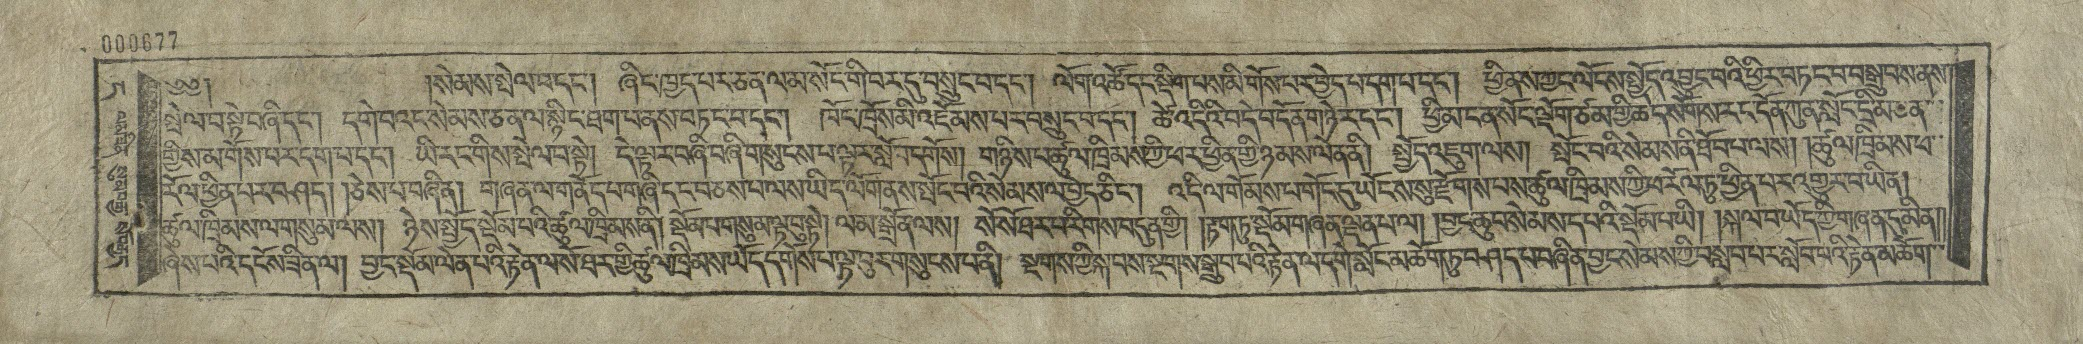༄༅། །སེམས་སྤེལ་བ་དང་། ཞིང་ཁྱད་པར་ཅན་ལ་མ་སོང་གི་བར་དུ་བསྲུང་བ་དང་། ལོག་འཚོ་དང་སྡིག་པས་མི་གོས་པར་བྱེད་པ་དག་པ་དང་། ཕྱི་ནས་ཀྱང་ལོངས་སྤྱོད་འབྱུང་བའི་ཕྱིར་བཏང་བ་བསྒྲུབས་ནས་
སྤེལ་བ་སྟེ་བཞི་དང་། དགེ་བའང་སེམས་ཅན་ལ་སྙིང་ཐག་པ་ནས་བཏང་བ་དང་། ཁོང་ཁྲོས་མི་འཇོམས་པར་བསྲུང་བ་དང་། ཚེ་འདིའི་བདེ་བ་དོན་གཉེར་དང་། ཕྱི་མ་ངན་སོང་ལྡོག་ཙམ་གྱི་ཆེད་སོགས་རང་དོན་ཀུན་སློང་དྲི་མ་ཅན་
གྱིས་མ་གོས་པར་དག་པ་དང་། ཡི་རང་གིས་སྤེལ་བ་སྟེ། དེ་ལྟར་བཞི་བཞི་གསུངས་པ་ལྟར་སློབ་དགོས། གཉིས་པ་ཚུལ་ཁྲིམས་ཀྱི་ཕར་ཕྱིན་གྱི་ཉམས་ལེན་ནི། སྤྱོད་འཇུག་ལས། སྤོང་བའི་སེམས་ནི་ཐོབ་པ་ལས། །ཚུལ་ཁྲིམས་ཕ་
རོལ་ཕྱིན་པར་བཤད། །ཅེས་པ་བཞིན། གཞན་ལ་གནོད་པ་གཞི་དང་བཅས་པ་ལས་ཡིད་ལོག་ནས་སྤོང་བའི་སེམས་ལ་བྱེད་ཅིང་། འདི་ལ་གོམས་པ་གོང་དུ་ཡོངས་སུ་རྫོགས་པས་ཚུལ་ཁྲིམས་ཀྱི་ཕ་རོལ་ཏུ་ཕྱིན་པར་འགྱུར་བ་ཡིན།
ཚུལ་ཁྲིམས་ལ་གསུམ་ལས། ཉེས་སྤྱོད་སྡོམ་པའི་ཚུལ་ཁྲིམས་ནི། སྡོམ་པ་གསུམ་ལྟ་བུ་སྟེ། ལམ་སྒྲོན་ལས། སོ་སོ་ཐར་པ་རིགས་བདུན་གྱི། །རྟག་ཏུ་སྡོམ་གཞན་ལྡན་པ་ལ། །བྱང་ཆུབ་སེམས་དཔའི་སྡོམ་པ་ཡི། །སྐལ་བ་ཡོད་ཀྱི་གཞན་དུ་མིན། །
ཞེས་པའི་དངོས་ཟིན་ལ། བྱང་སྡོམ་ལེན་པའི་རྟེན་ལ་སོ་ཐར་གྱི་ཚུལ་ཁྲིམས་ཡོད་དགོས་པ་ལྟ་བུར་གསུངས་པ་ནི། སྔགས་ཀྱི་སྐབས་སྔགས་སྒྲུབ་པའི་རྟེན་ལ་དགེ་སློང་མཆོག་ཏུ་བཤད་པ་བཞིན་བྱང་སེམས་ཀྱི་བསླབ་པར་སློབ་པའི་རྟེན་མཆོག་